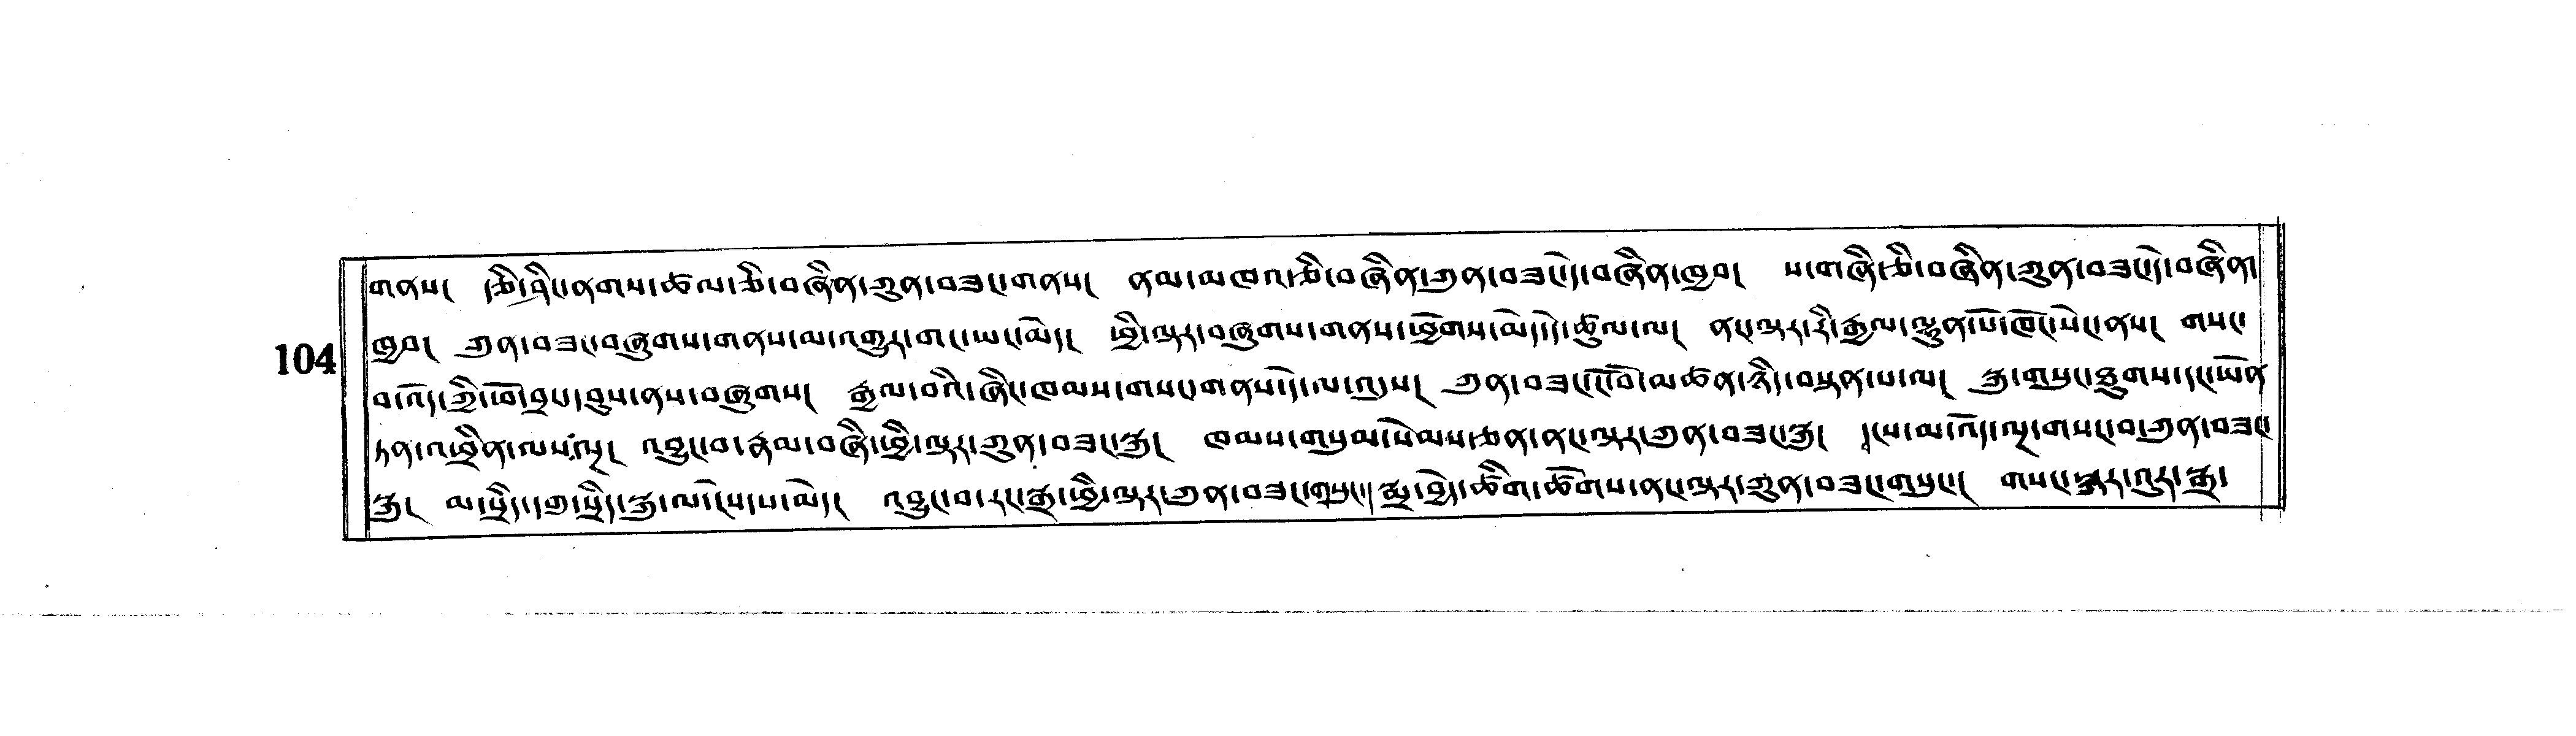གནས། རྩི་ཤིང་ནགས་ཚལ་ཅི་བཞིན་ཀུན་བཟང་གནས། ནམ་མཁའ་ཅི་བཞིན་ཀུན་བཟང་དེ་བཞིན་ཁྱབ། ས་གཞི་ཅི་བཞིན་ཀུན་བཟང་དེ་བཞིན་
ཁྱབ། ཀུན་བཟང་བཞུགས་གནས་མ་གྱུར་གང་ཡང་མེད། ཕྱི་ལྟར་བཞུགས་གནས་ཕྱོགས་མེད་དེ་ཚུལ་ལ། ནང་ལྟར་རི་རྒྱལ་ལྷུན་པོ་ཁོང་སེང་ནས། གསང་
བ་འོད་ཀྱི་ཕོ་བྲང་དབུས་ནས་བཞུགས། རྒྱལ་བའི་ཞིང་ཁམས་གསང་གནས་དེ་ལ་འདུས། ཀུན་བཟང་ངོ་བོ་མཚན་ཉིད་བསྟན་པ་ལ། སྐུ་གསུང་ཐུགས་དང་ཡོན་
ཏན་ཕྲིན་ལས་ལྔ། འབྱུང་བ་རྣམ་བཞི་ཕྱི་ལྟར་ཀུན་བཟང་སྐུ། ཁམས་གསུམ་སེམས་ཅན་ནང་ལྟར་ཀུན་བཟང་སྐུ། དྭངས་མ་འོད་ལྔ་གསང་བ་ཀུན་བཟང་
སྐུ། མ་སྲིད་དགུ་སྲིད་སྐུ་ལ་ངེས་པ་མེད། འབྱུང་བ་རང་། སྒྲ་ཕྱི་ལྟར་ཀུན་བཟང་གསུང་། གསང་སྐར་འུར་སྒྲ་